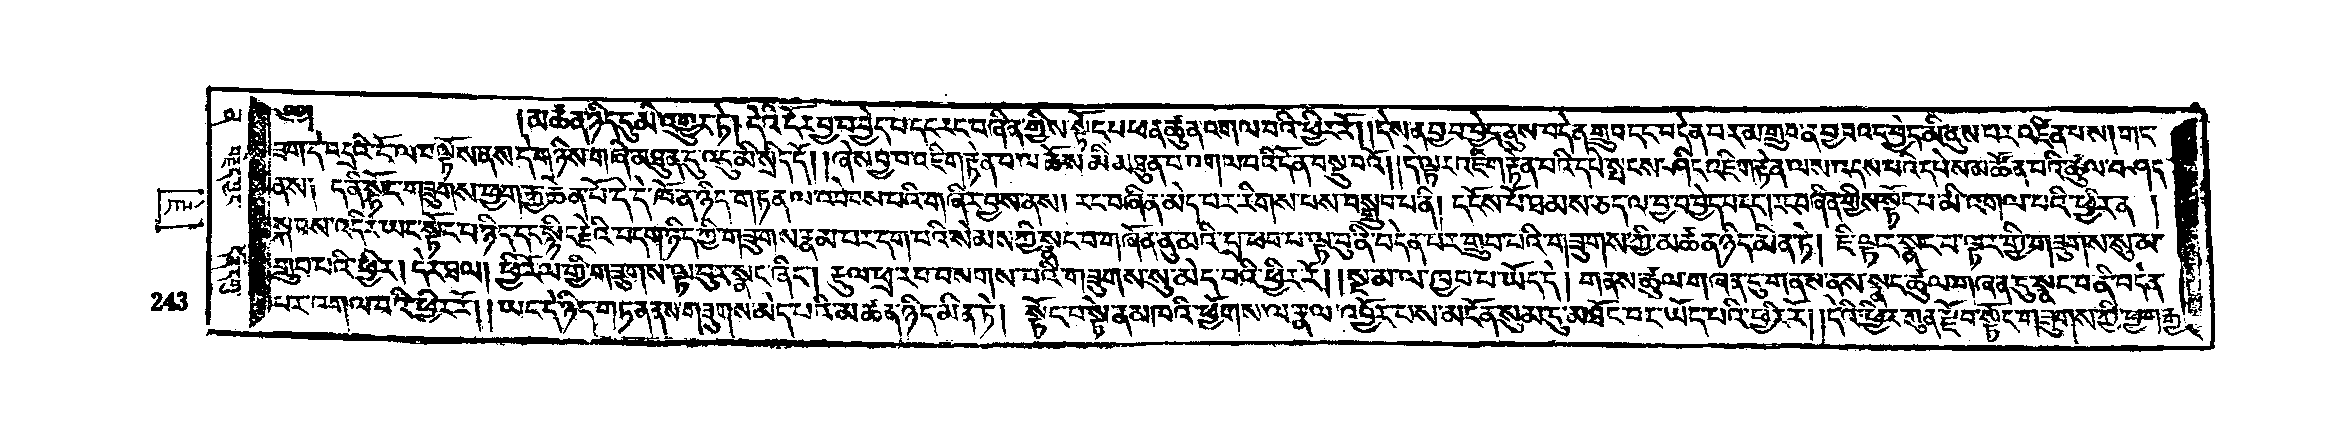༄༅། །མཚན་ཉིད་དུ་མི་འགྱུར་ཏེ། དེའི་དོར་བྱ་བ་བྱེད་པ་དང་རང་བཞིན་གྱིས་སྟོང་པ་ཕན་ཚུན་འགལ་བའི་ཕྱིར་རོ། །དེས་ན་བྱ་བ་བྱེད་ནུས་བདེན་གྲུབ་དང་བདེན་པར་མ་གྲུབ་ན་བྱ་བའང་བྱེད་མི་ནུས་པར་འཛིན་པས། གང་
ཟག་དེ་འདྲའི་ངོ་ལ་བལྟོས་ནས་དེ་གཉིས་གཞི་མཐུན་དུ་འདུ་མི་སྲིད་དོ། །ཞེས་བྱ་བ་འཇིག་རྟེན་པ་ལ་ཆོས་མི་མཐུན་པ་འགལ་བའི་དོན་བསྡུ་བའོ། །དེ་ལྟར་འཇིག་རྟེན་པའི་དཔེ་སྤངས་ཤིང་འཇིག་རྟེན་ལས་འདས་པའི་དཔེས་མཚོན་པའི་ཚུལ་བཤད་
ནས༑ ད་ནི་སྟོང་གཟུགས་ཕྱག་རྒྱ་ཆེན་པོ་དེ་དེ་ཁོ་ན་ཉིད་གཏན་ལ་འབེབས་པའི་གཞིར་བྱས་ནས། རང་བཞིན་མེད་པར་རིགས་པས་བསྒྲུབ་པ་ནི། དངོས་པོ་ཐམས་ཅད་ལ་བྱ་བ་བྱེད་པ་དང་། རང་བཞིན་གྱིས་སྟོང་པ་མི་འགལ་བའི་ཕྱིར་ན།
སྐབས་འདིར་ཡང་སྟོང་པ་ཉིད་དང་སྙིང་རྗེའི་བདག་ཉིད་ཀྱི་གཟུགས་རྣམ་པར་དག་པའི་སེམས་ཀྱི་སྣང་བ་གཞོན་ནུ་མའི་པྲ་ཕབ་པ་ལྟ་བུ་ནི་བདེན་པར་གྲུབ་པའི་གཟུགས་ཀྱི་མཚན་ཉིད་མིན་ཏེ། ཇི་ལྟར་སྣང་བ་ལྟར་གྱི་གཟུགས་སུ་མ་
གྲུབ་པའི་ཕྱིར། དེར་ཐལ། ཕྱི་རོལ་གྱི་གཟུགས་ལྟ་བུར་སྣང་ཞིང་། རྡུལ་ཕྲ་རབ་བསགས་པའི་གཟུགས་སུ་མེད་པའི་ཕྱིར་རོ། །སྔ་མ་ལ་ཁྱབ་པ་ཡོད་དེ། གནས་ཚུལ་གཞན་དུ་གནས་ནས་སྣང་ཚུལ་གཞན་དུ་སྣང་བ་ནི་བདེན་
པར་འགལ་བའི་ཕྱིར་རོ། །ཡང་དེ་ཉིད་གཏན་ནས་གཟུགས་མེད་པའི་མཚན་ཉིད་མིན་ཏེ། སྟོང་པ་སྟེ་ནམ་མཁའི་ཕྱོགས་ལ་རྣལ་འབྱོར་པས་མངོན་སུམ་དུ་མཐོང་བར་ཡོད་པའི་ཕྱིར་རོ། །དེའི་ཕྱིར་ཀུན་རྫོབ་སྟོང་གཟུགས་ཀྱི་ཕྱག་རྒྱ་